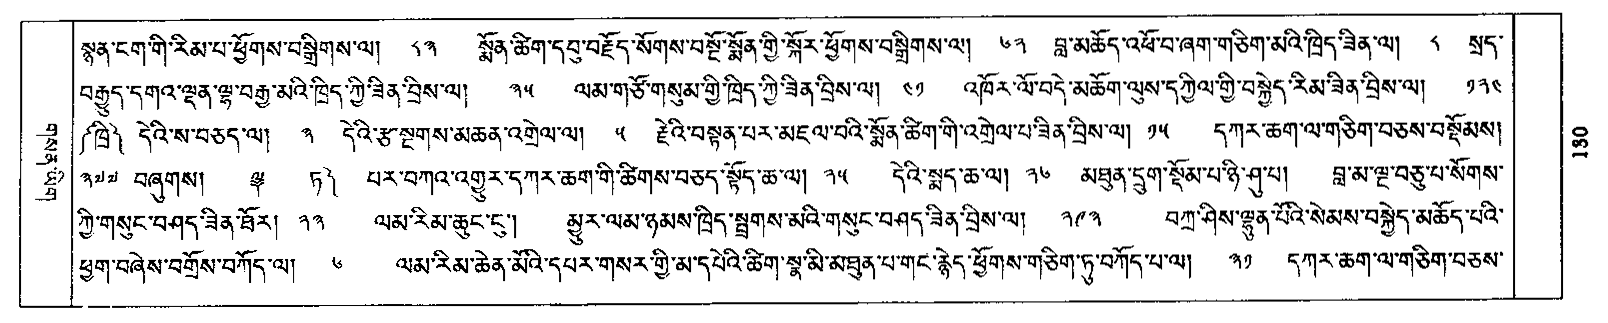སྙན་ངག་གི་རིམ་པ་ཕྱོགས་བསྒྲིགས་ལ། ༨༣་སྨོན་ཚིག་དབུ་བརྗོད་སོགས་བསྔོ་སྨོན་གྱི་སྐོར་ཕྱོགས་བསྒྲིགས་ལ། ༦༢་བླ་མཆོད་འཕོ་བ་ཞག་གཅིག་མའི་ཁྲིད་ཟིན་ལ། ༨་སྲད་
བརྒྱུད་དགའ་ལྡན་ལྷ་བརྒྱ་མའི་ཁྲིད་ཀྱི་ཟིན་བྲིས་ལ། ༣༥་ལམ་གཙོ་གསུམ་གྱི་ཁྲིད་ཀྱི་ཟིན་བྲིས་ལ། ༤༡་འཁོར་ལོ་བདེ་མཆོག་ལུས་དཀྱིལ་གྱི་བསྐྱེད་རིམ་ཟིན་བྲིས་ལ། ༡༢༤
ཁྲ྄ི་དེའི་ས་བཅད་ལ། ༣་དེའི་རྩ་སྔགས་མཆན་འགྲེལ་ལ། ༥་རྗེའི་བསྟན་པར་མཇལ་བའི་སྨོན་ཚིག་གི་འགྲེལ་པ་ཟིན་བྲིས་ལ། ༡༥་དཀར་ཆག་ལ་གཅིག་བཅས་བསྡོམས།
༣༧༧་བཞུགས། ༈ ཏ྄་པར་བཀའ་འགྱུར་དཀར་ཆག་གི་ཚིགས་བཅད་སྟོད་ཆ་ལ། ༢༥་དེའི་སྨད་ཆ་ལ། ༢༦་མཐུན་དྲུག་སྔོམ་པ་ཉི་ཤུ་པ། བླ་མ་ལྔ་བཅུ་པ་སོགས་
ཀྱི་གསུང་བཤད་ཟིན་ཐོར། ༢༣་ལམ་རིམ་ཆུང་དུ། མྱུར་ལམ་ཉམས་ཁྲིད་སྦྲགས་མའི་གསུང་བཤད་ཟིན་བྲིས་ལ། ༢༩༣་བཀྲ་ཤིས་ལྷུན་པོའི་སེམས་བསྐྱེད་མཆོད་པའི་
ཕྱག་བཞེས་བགྲོས་བཀོད་ལ། ༦་ལམ་རིམ་ཆེན་མོའི་དཔར་གསར་གྱི་མ་དཔེའི་ཚིག་སྣ་མི་མཐུན་པ་གང་རྙེད་ཕྱོགས་གཅིག་ཏུ་བཀོད་པ་ལ། ༣༡་དཀར་ཆག་ལ་གཅིག་བཅས་